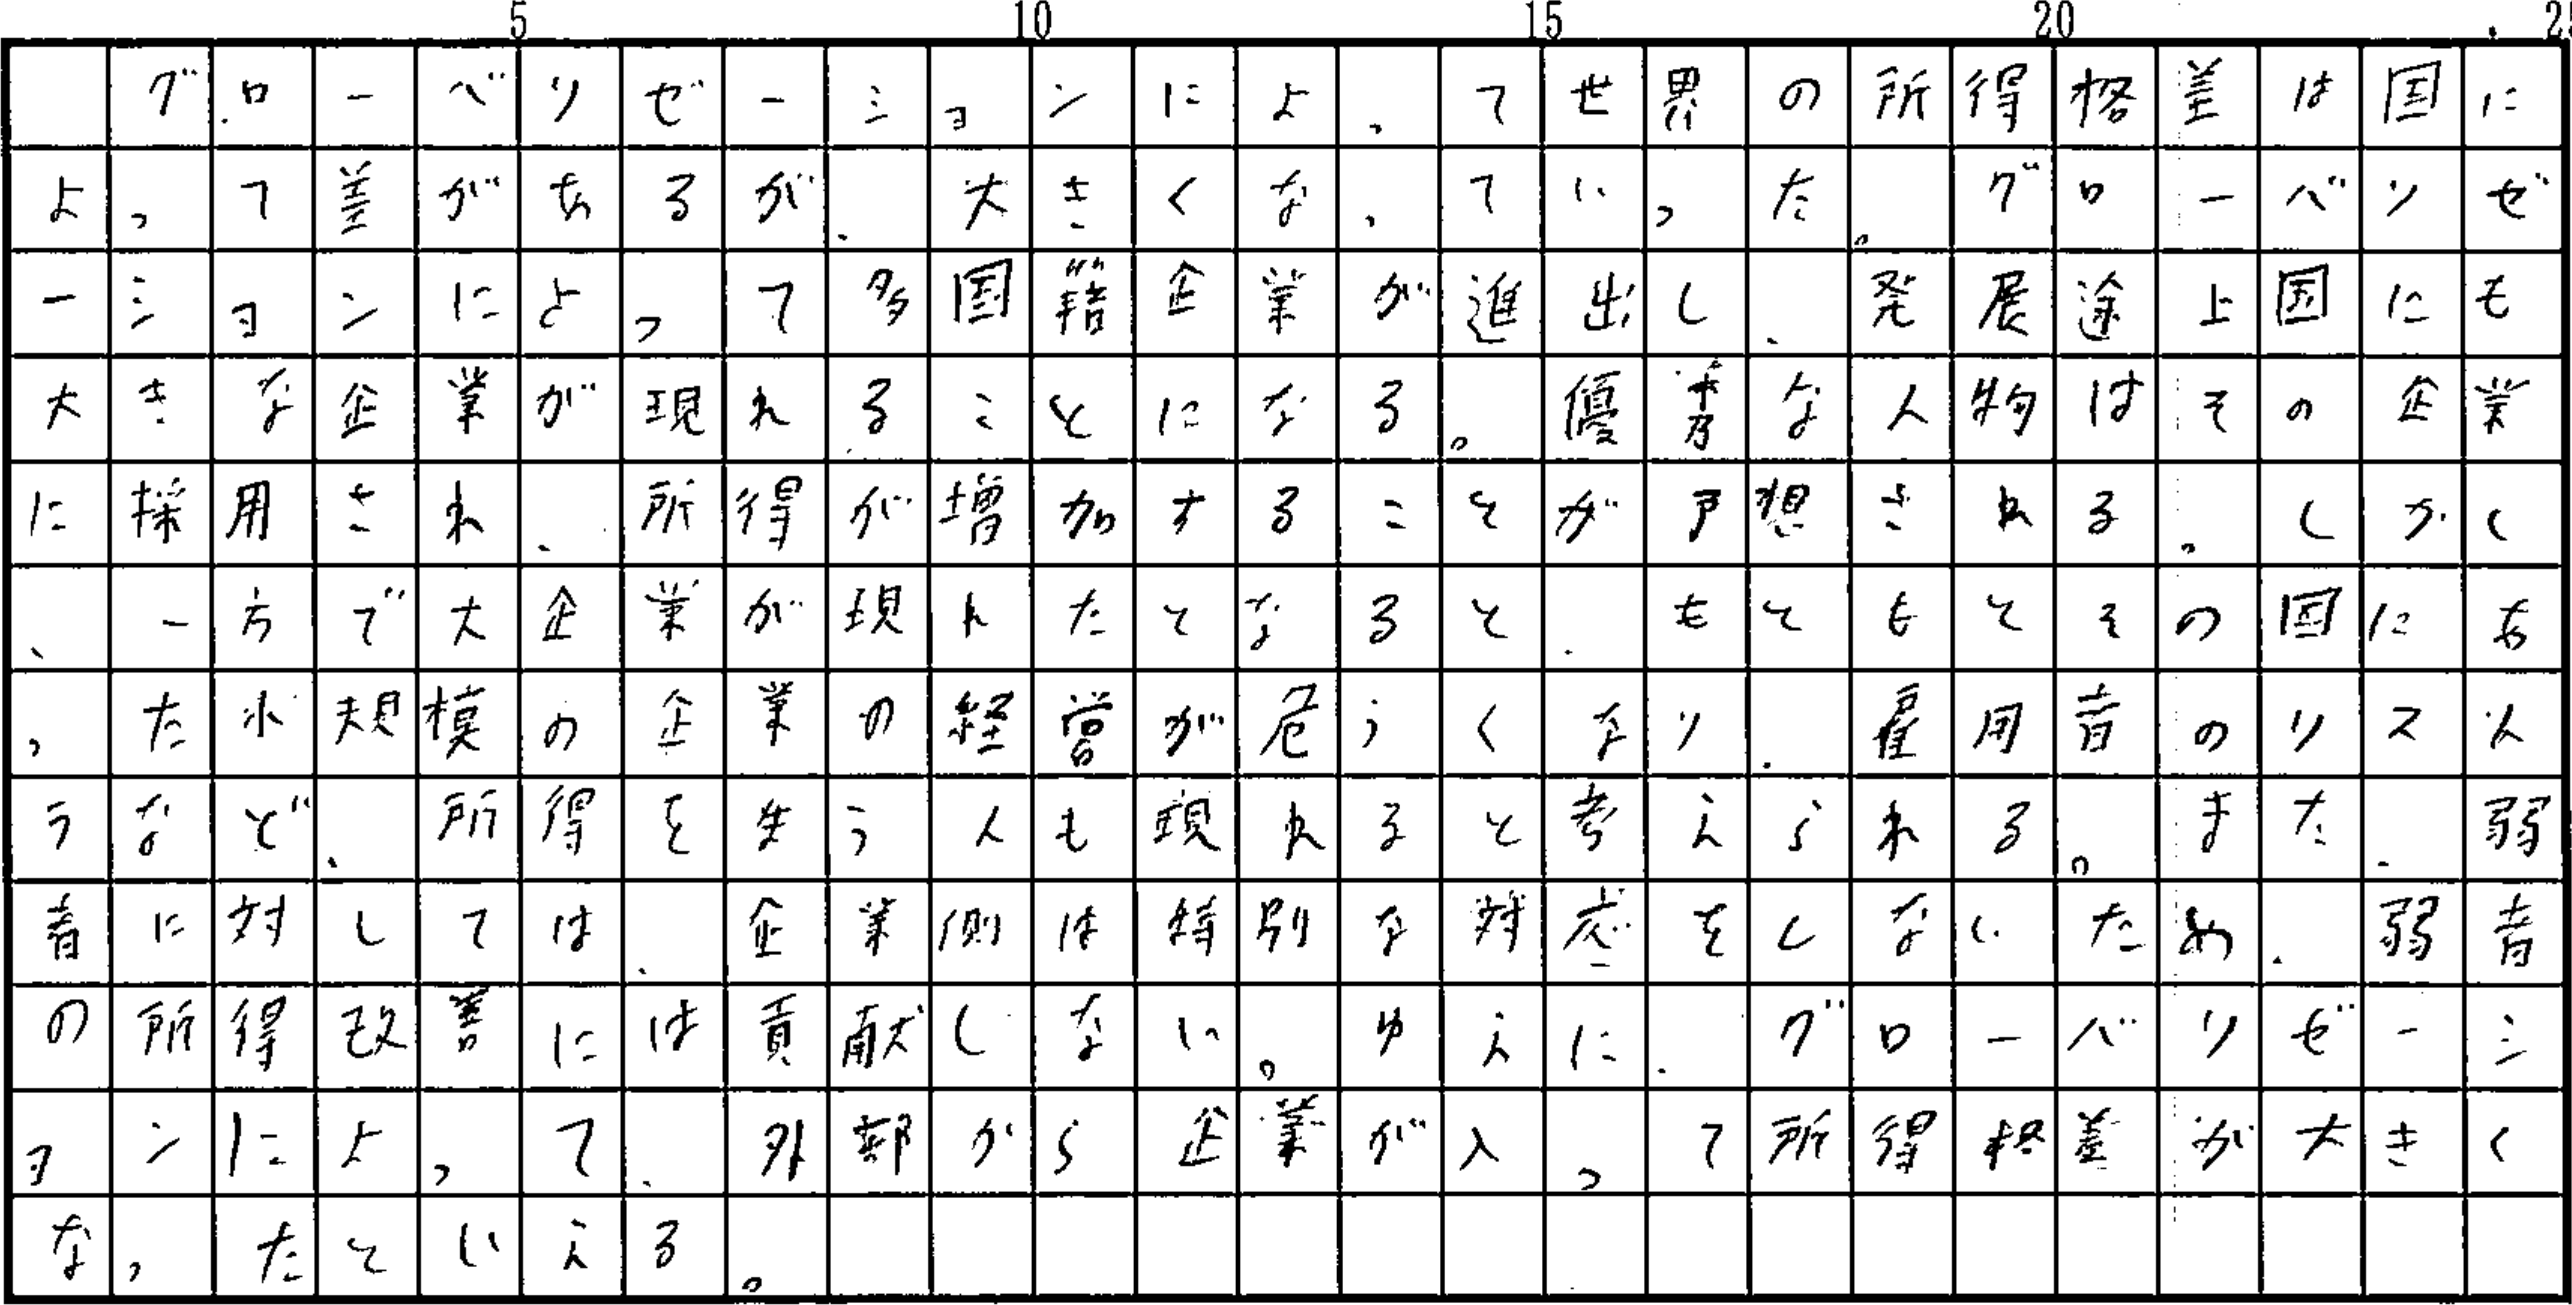　グローバリゼーションによって世界の所得格差は国によって差があるが、大きくなっていった。グローバリゼーションによって多国籍企業が進出し、発展途上国にも大きな企業が現れることになる。優秀な人物はその企業に採用され、所得が増加することが予想される。しかし、一方で大企業が現れたとなると、もともとその国にあった小規模の企業の経営が危うくなり、雇用者のリストラなど、所得を失う人も現れると考えられる。また、弱者に対しては、企業側は特別な対応をしないため、弱者の所得改善には貢献しない。ゆえに、グローバリゼーションによって、外部から企業が入って所得格差が大きくなったといえる。
